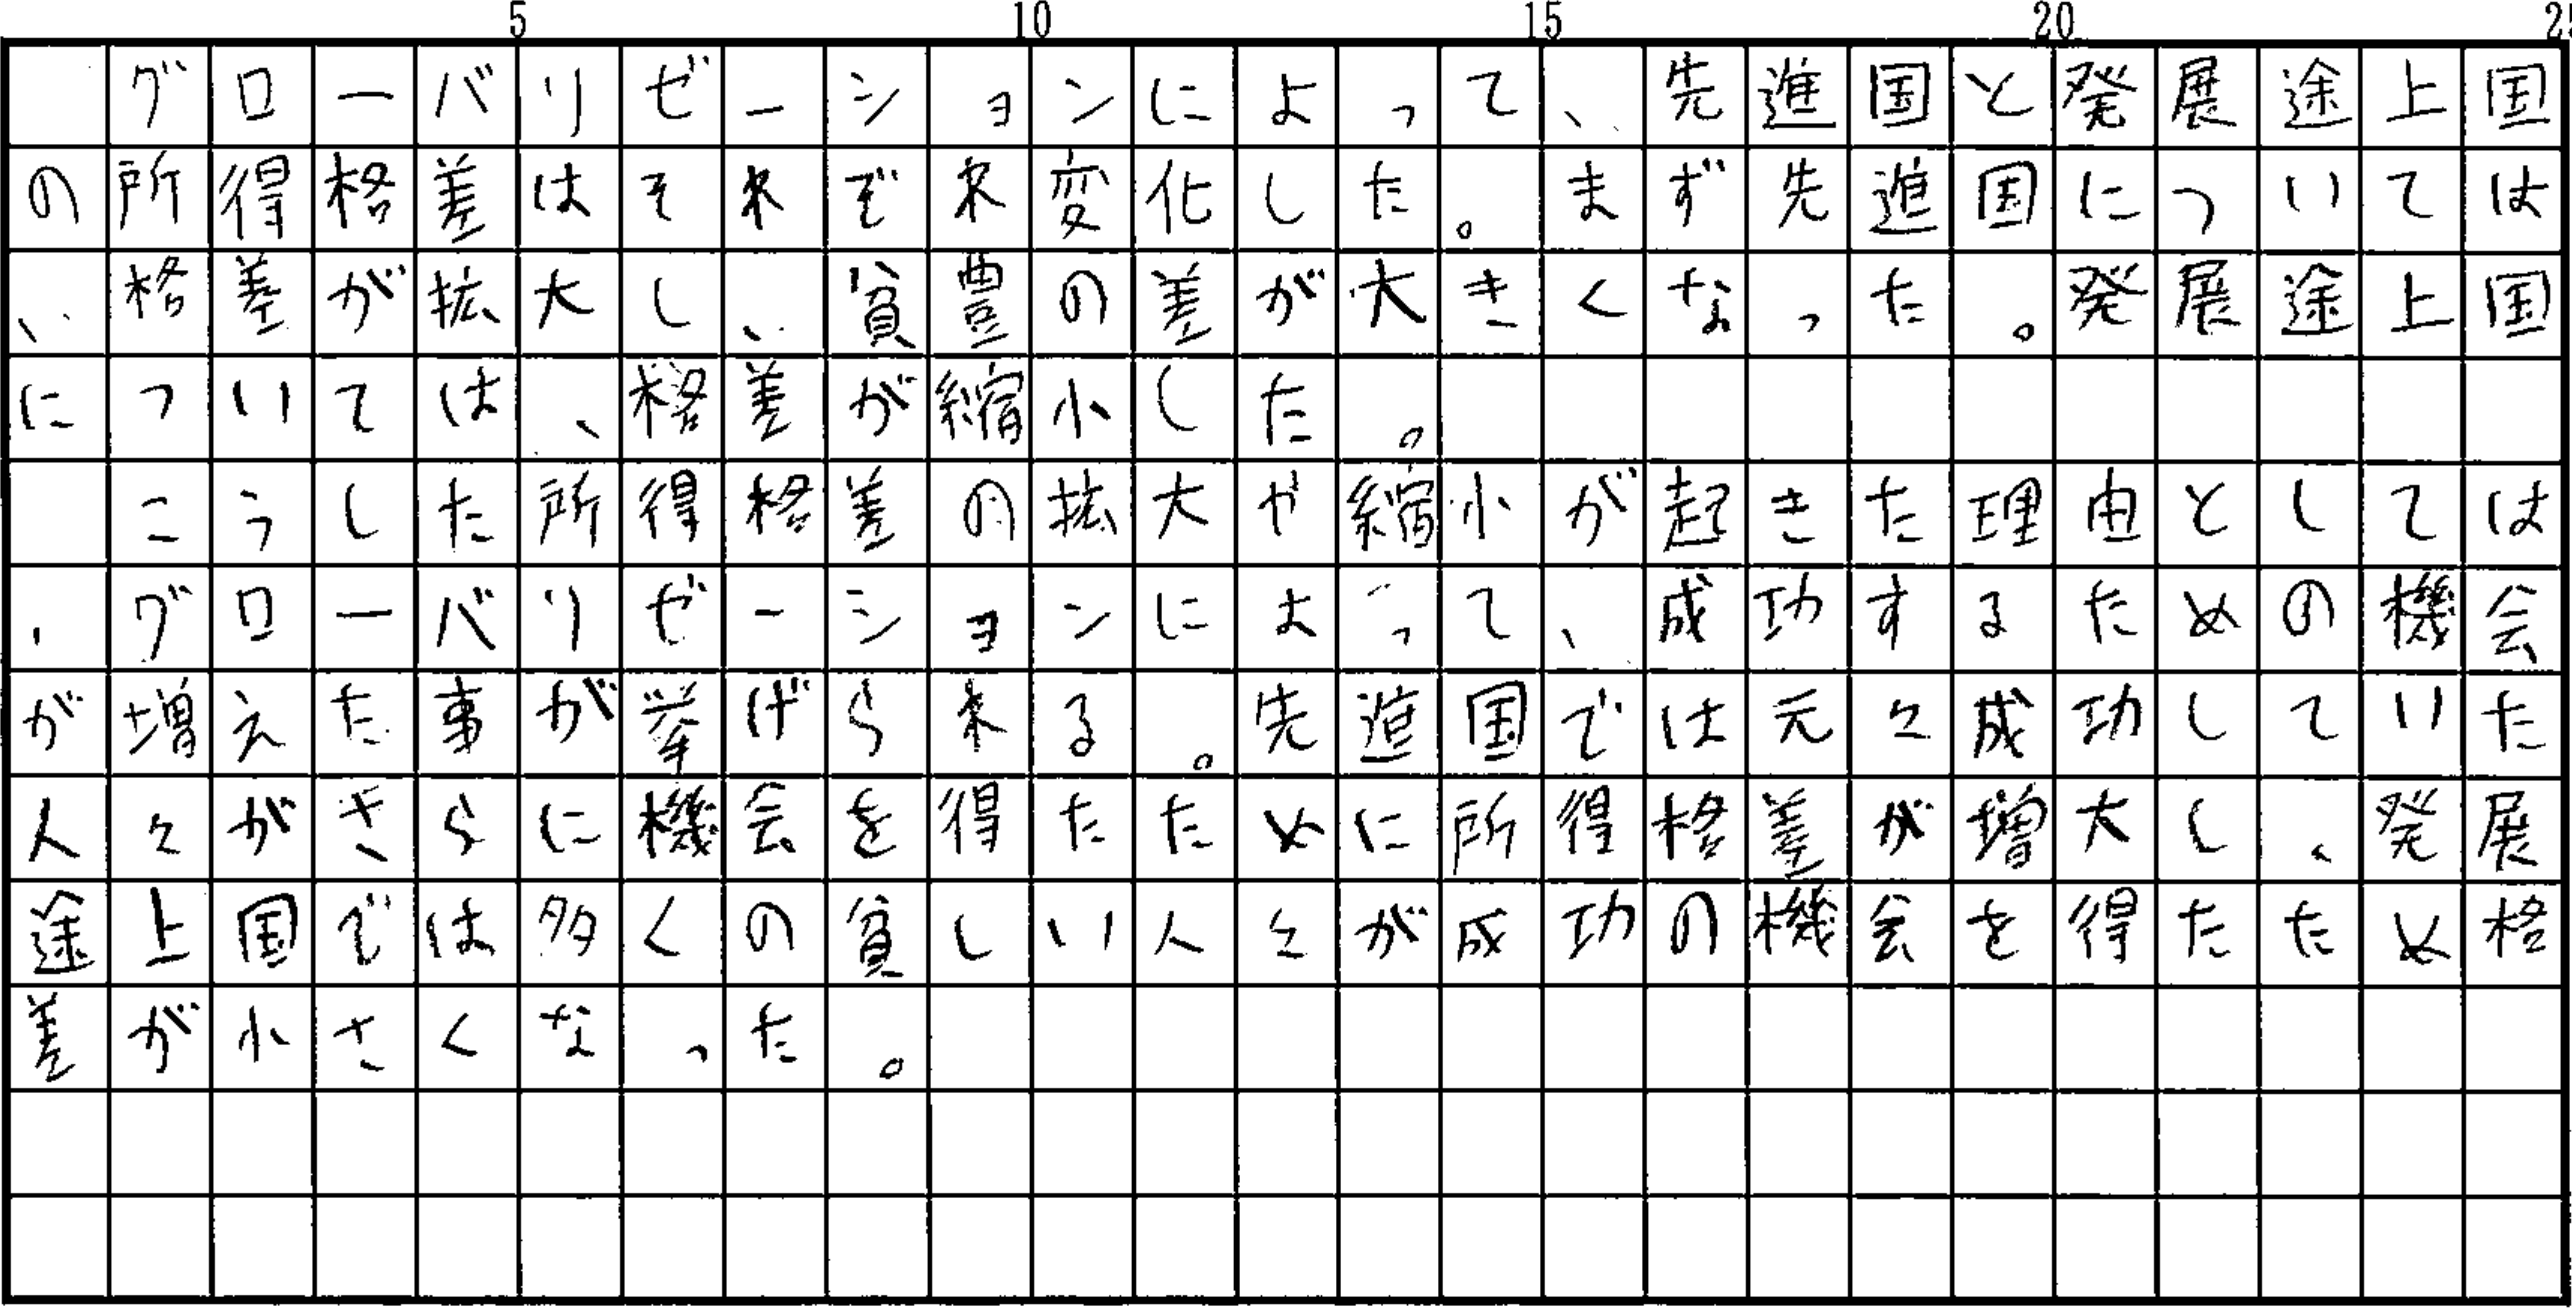　グローバリゼーションによって、先進国と発展途上国の所得格差はそれぞれ変化した。まず先進国については、格差が拡大し、貧豊の差が大きくなった。発展途上国については、格差が縮小した。
　こうした所得格差の拡大や縮小が起きた理由としては、グローバリゼーションによって、成功するための機会が増えた事が挙げられる。先進国では元々成功していた人々がさらに機会を得たために所得格差が増大し、発展途上国では多くの貧しい人々が成功の機会を得たため格差が小さくなった。
